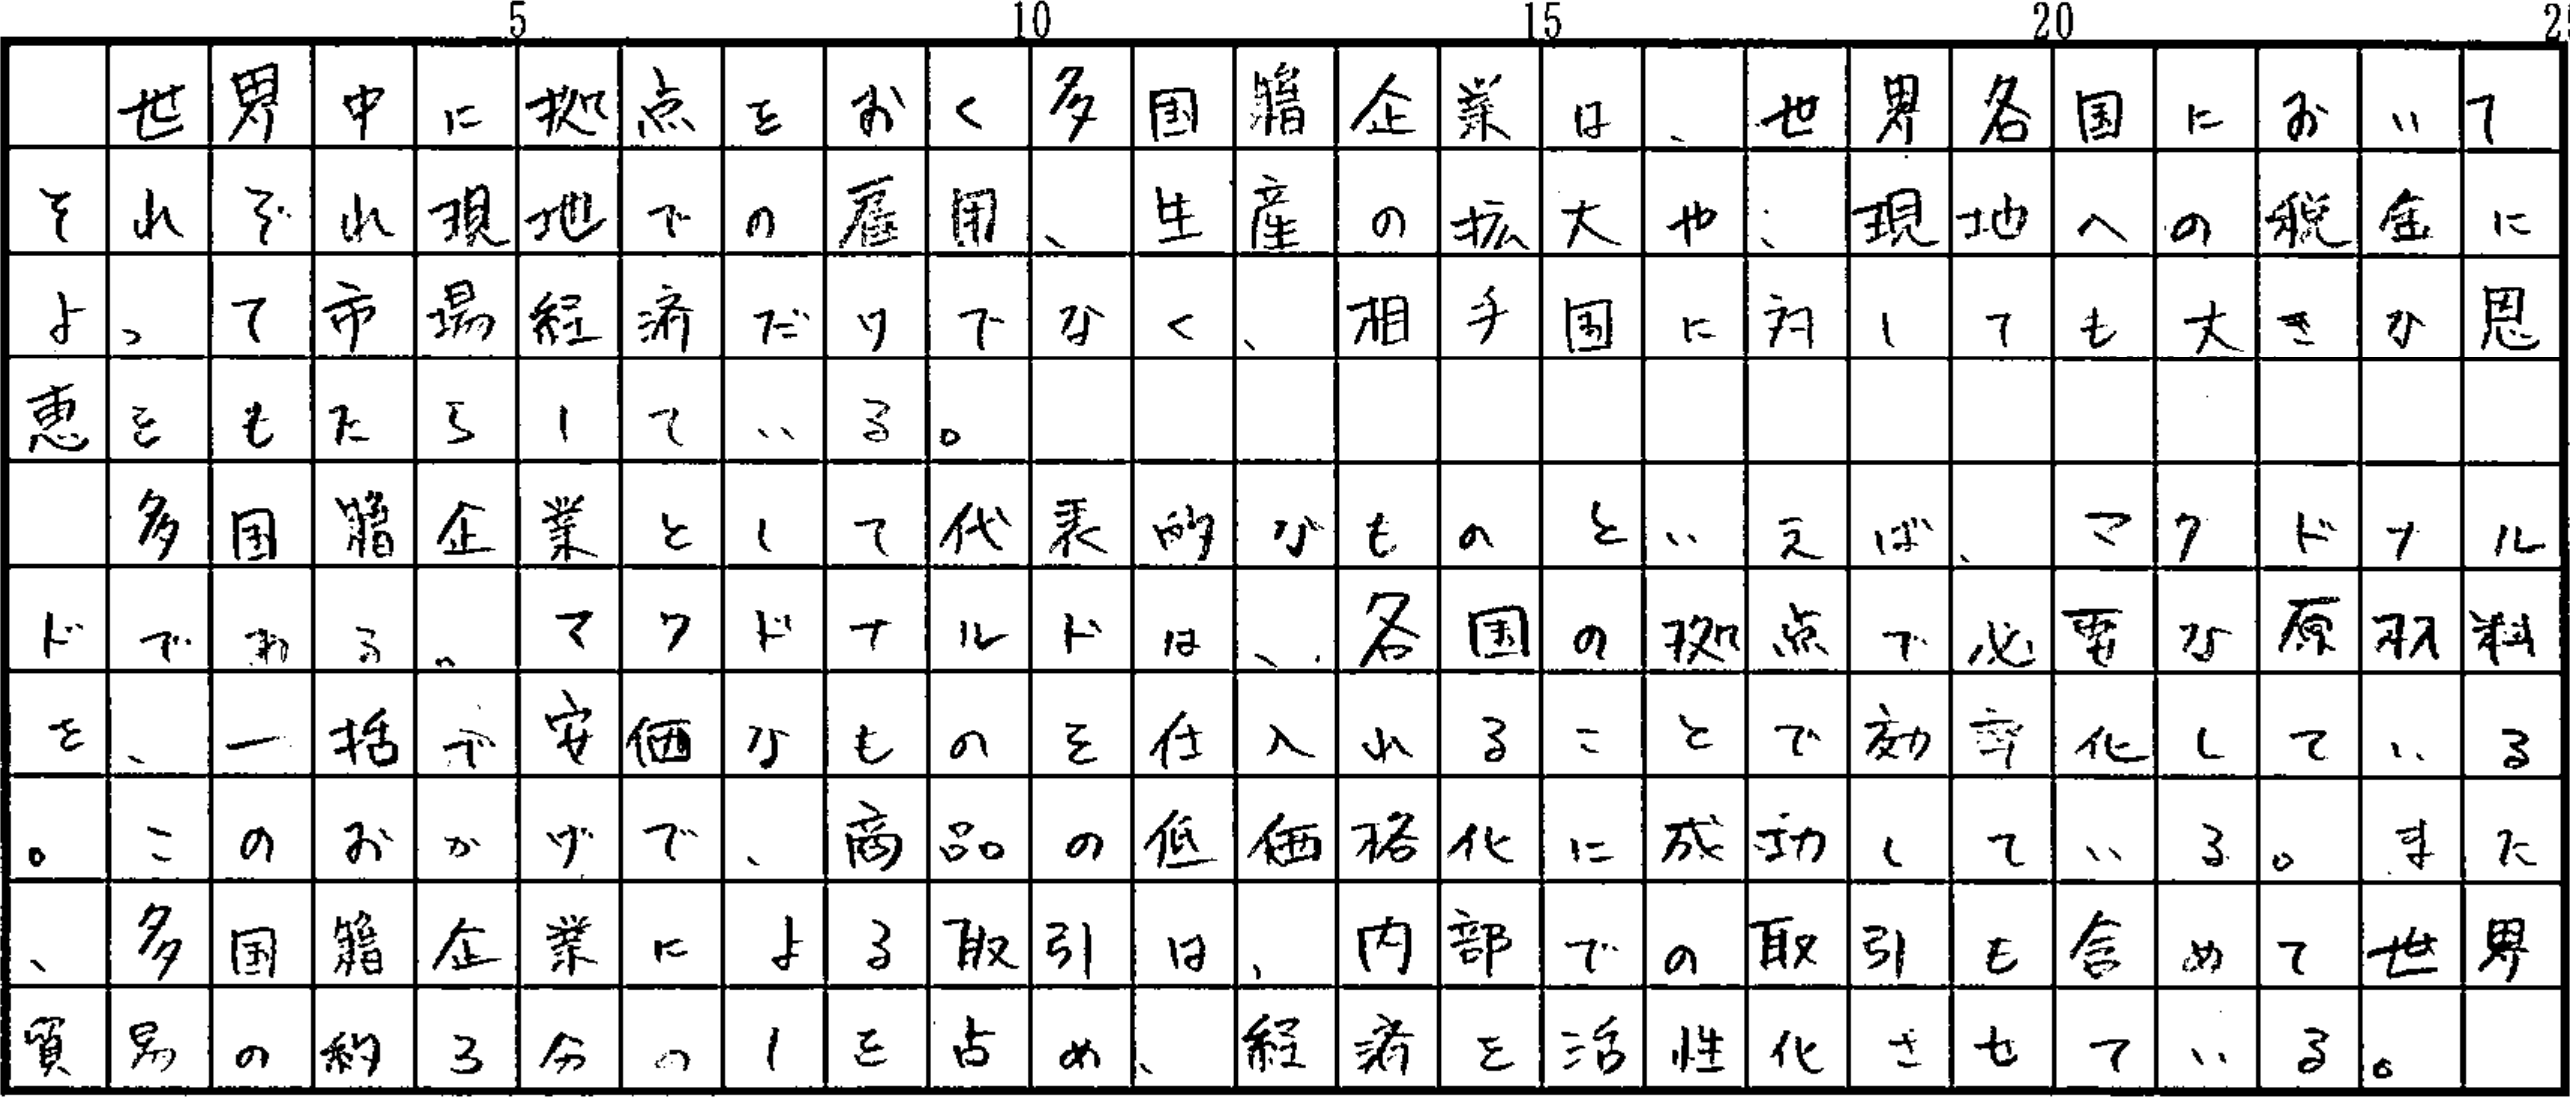　世界中に拠点をおく多国籍企業は、世界各国においてそれぞれ現地での雇用、生産の拡大や、現地への税金によって市場経済だけでなく、相手国に対しても大きな恩恵をもたらしている。
　多国籍企業として代表的なものといえば、マクドナルドである。マクドナルドは、各国の拠点で必要な原材料を、一括で安価なものを仕入れることで効率化している。このおかげで、商品の低価格化に成功している。また、多国籍企業による取引は、内部での取引も含めて世界貿易の約3分の１を占め、経済を活性化させている。
